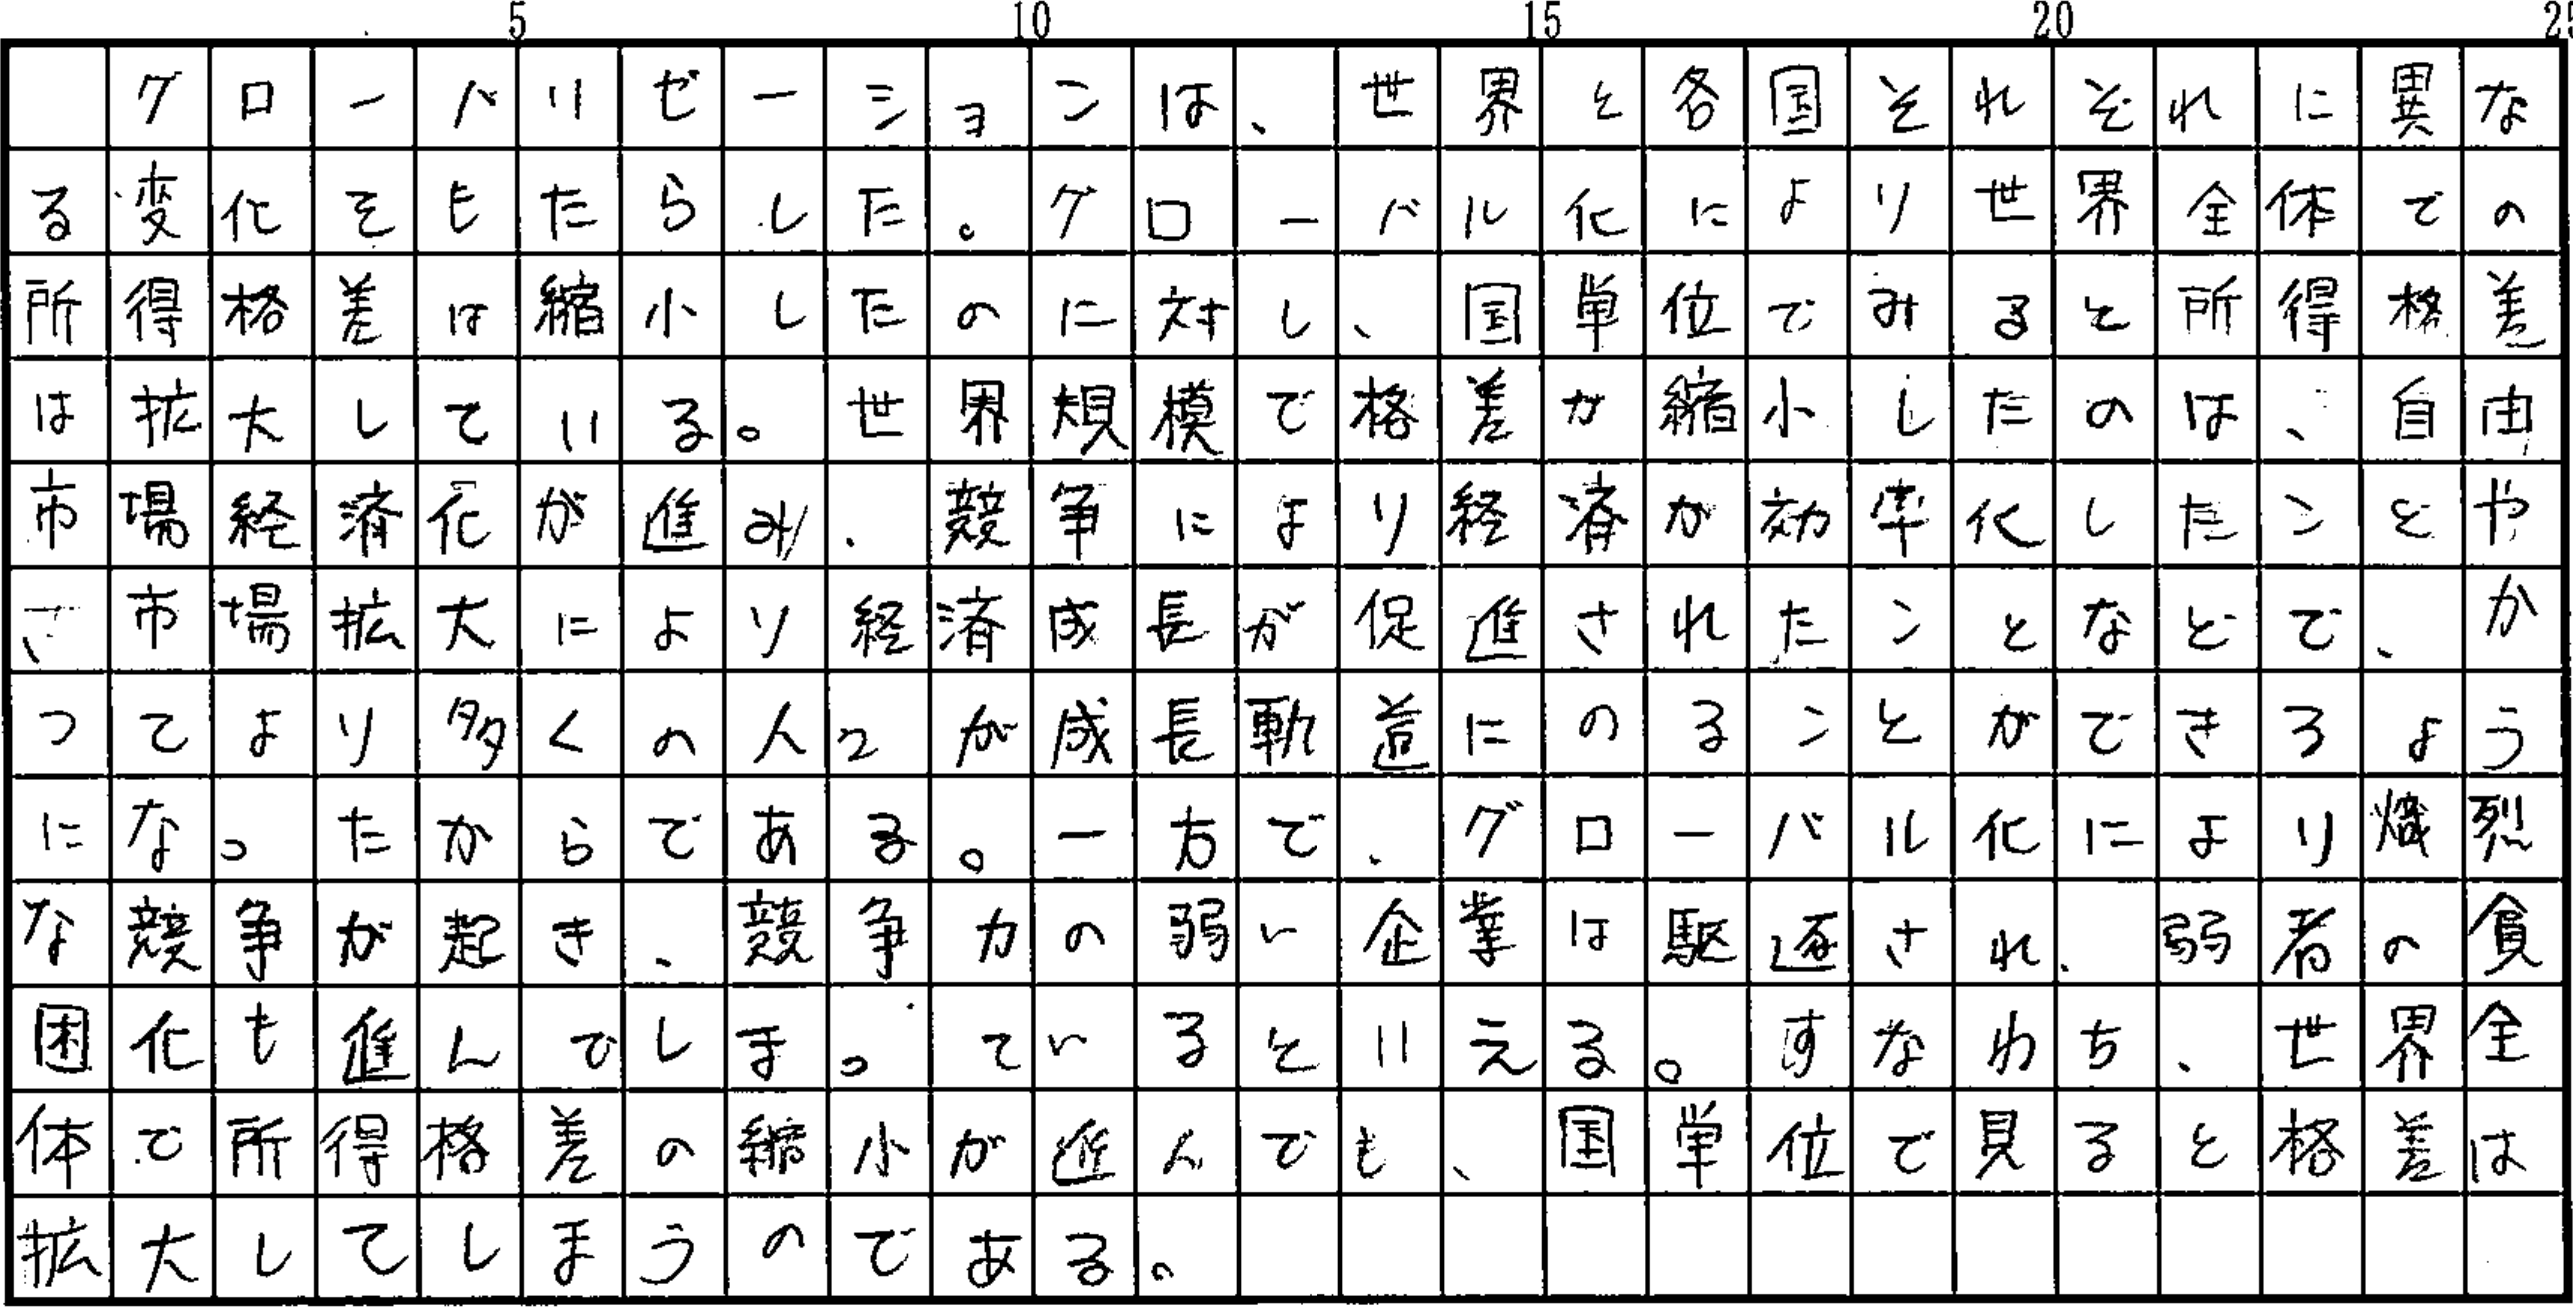　グローバリゼーションは、世界と各国それぞれに異なる変化をもたらした。グローバル化により世界全体での所得格差は縮小したのに対し、国単位でみると所得格差は拡大している。世界規模で格差が縮小したのは、自由市場経済化が進み、競争により経済が効率化したことや、市場拡大により経済成長が促進されたことなどで、かつてより多くの人々が成長軌道にのることができるようになったからである。一方で、グローバル化により熾烈な競争が起き、競争力の弱い企業は駆逐され、弱者の貧困化も進んでしまっているといえる。すなわち、世界全体で所得格差の縮小が進んでも、国単位で見ると格差は拡大してしまうのである。
